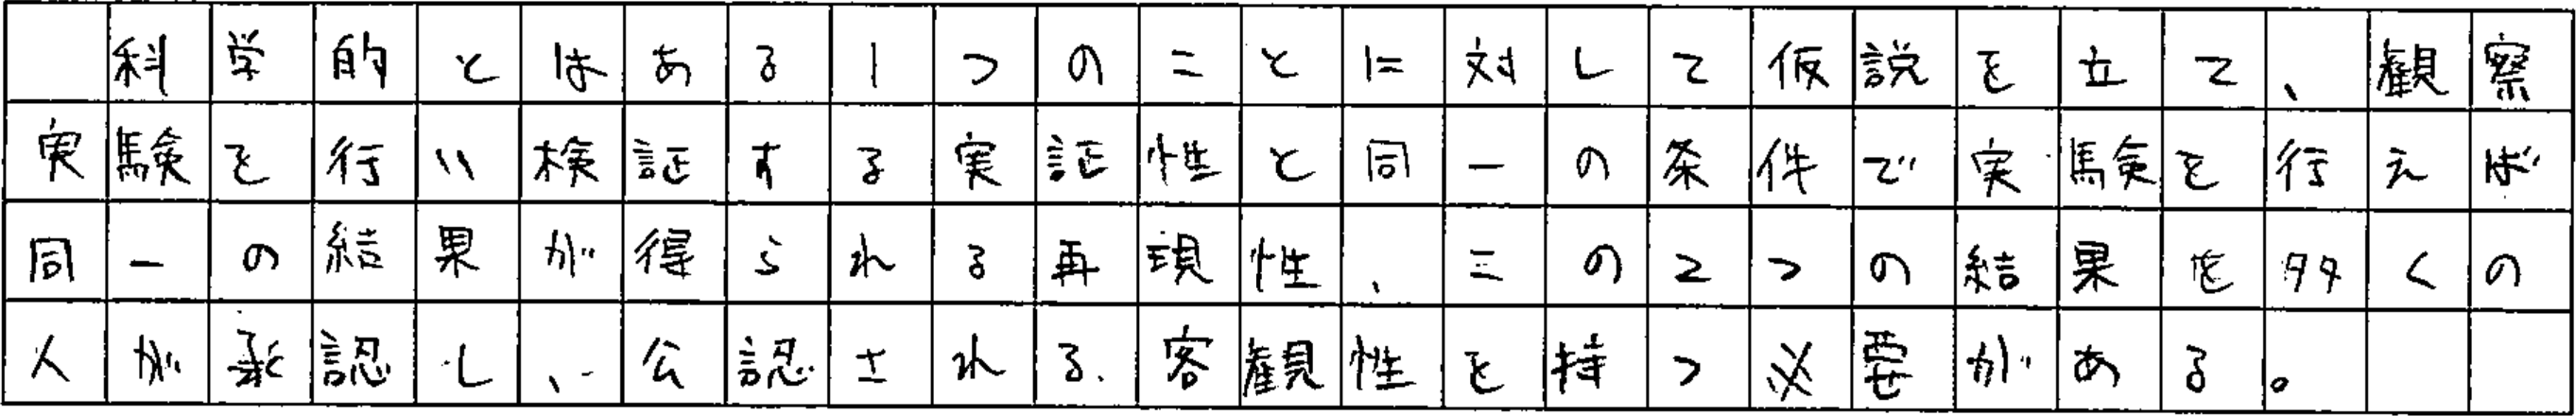　科学的とはある１つのことに対して仮説を立て、観察実験を行い検証する実証性と同一の条件で実験を行えば同一の結果が得られる再現性、この２つの結果を多くの人が承認し、公認される客観性を持つ必要がある。
